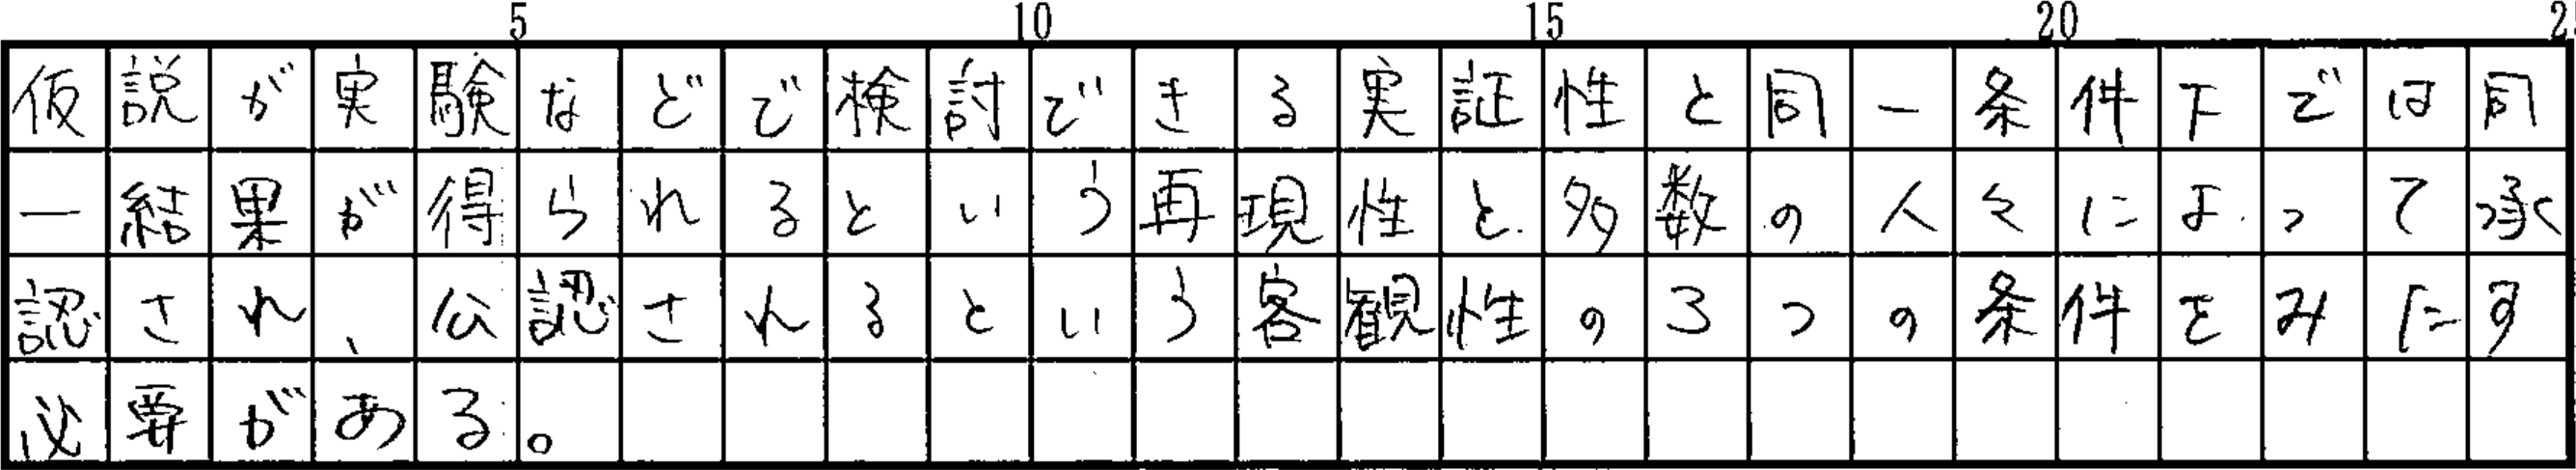仮説が実験などで検討できる実証性と同一条件下では同一結果が得られるという再現性と多数の人々によって承認され、公認されるという客観性の３つの条件をみたす必要がある。
